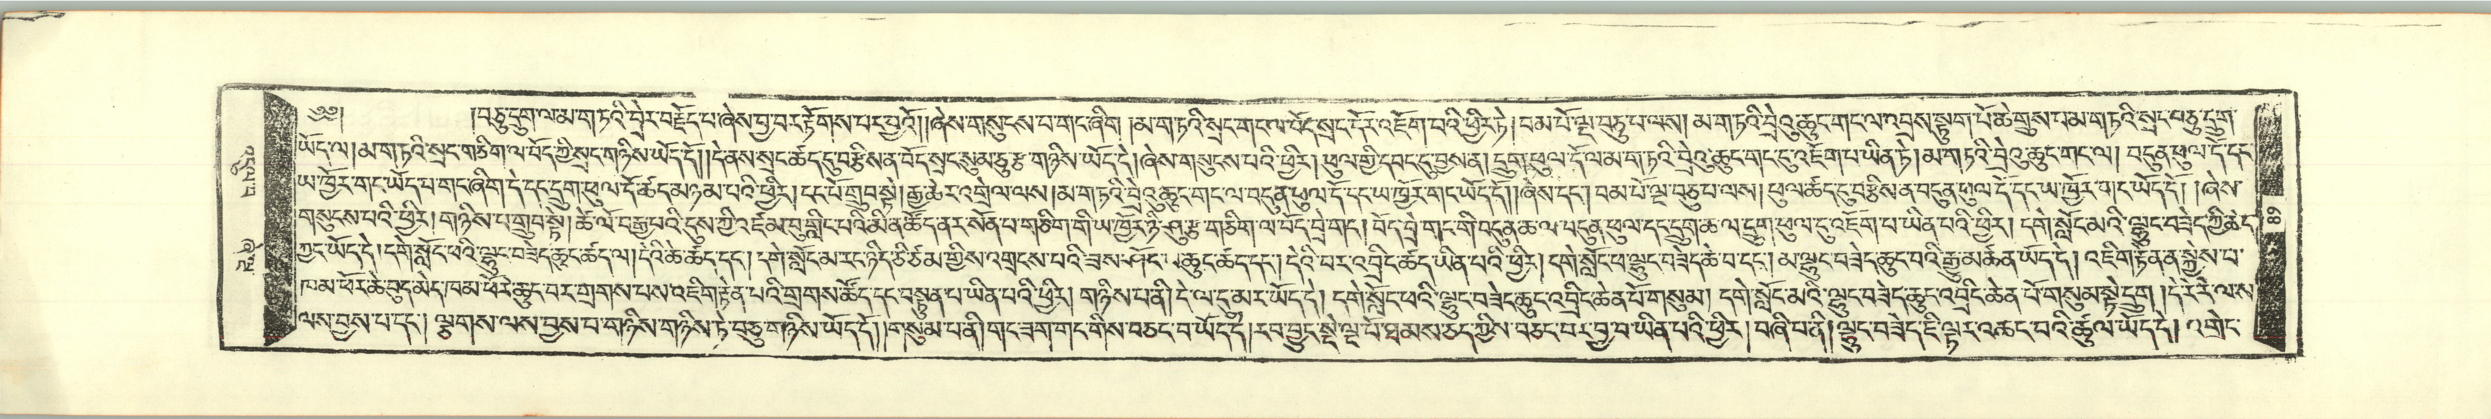༄༅། །བཅུ་དྲུག་ལ་མ་ག་ཏའི་བྲེར་བརྗོད་པ་ཞེས་བྱ་བར་རྟོགས་པར་བྱའོ། །ཞེས་གསུངས་པ་གང་ཞིག །མ་ག་ཏའི་སྲང་གང་ལ་བོད་སྲང་དོར་འཇོག་པའི་ཕྱིར་ཏེ། བམ་པོ་ལྔ་བཅུ་པ་ལས། མ་ག་ཏའི་བྲེའུ་ཆུང་གང་ལ་འབྲས་སྟུག་པོ་ཆེ་གྲུས་པ་མ་ག་ཏའི་སྲང་བཅུ་དྲུག་
ཡོད་ལ། མ་ག་ཏའི་སྲང་གཅིག་ལ་བོད་ཀྱི་སྲང་གཉིས་ཡོད་དོ། །དེ་ནས་སྲང་ཚད་དུ་བརྩིས་ན་བོད་སྲང་སུམ་ཅུ་རྩ་གཉིས་ཡོད་དེ། ཞེས་གསུངས་པའི་ཕྱིར། ཕུལ་གྱི་དབང་དུ་བྱས་ན། དྲུག་ཕུལ་དོ་ལ་མ་ག་ཏའི་བྲེའུ་ཆུང་གང་དུ་འཇོག་པ་ཡིན་ཏེ། མ་ག་ཏའི་བྲེའུ་ཆུང་གང་ལ། བདུན་ཕུལ་དོ་དང་
ཡ་ཁྱོར་གང་ཡོད་པ་གང་ཞིག་དེ་དང་དྲུག་ཕུལ་དོ་ཚད་མཉམ་པའི་ཕྱིར། དང་པོ་གྲུབ་སྟེ། རྒྱ་ཆེར་འགྲེལ་ལས། མ་ག་ཏའི་བྲེའུ་ཆུང་གང་ལ་བདུན་ཕུལ་དོ་དང་ཡ་ཁྱོར་གང་ཡོད་དོ། །ཞེས་དང་། བམ་པོ་ལྔ་བཅུ་པ་ལས། ཕུལ་ཚད་དུ་བརྩིས་ན་བདུན་ཕུལ་དོ་དང་ཡ་ཁྱོར་གང་ཡོད་དོ། །ཞེས་
གསུངས་པའི་ཕྱིར། གཉིས་པ་གྲུབ་སྟེ། ཚེ་ལོ་བརྒྱ་བའི་དུས་ཀྱི་འཛམ་གུ་གླིང་བའི་མི་ན་ཚོད་ནར་སོན་པ་གཅིག་གི་ཡ་ཁྱོར་ཉི་ཤུ་རྩ་གཅིག་ལ་བོད་བྲེ་གང་། བོད་བྲེ་གང་གི་བདུན་ཆ་ལ་བདུན་ཕུལ་དང་དྲུག་ཆ་ལ་དྲུག་ཕུལ་དུ་འཇོག་པ་ཡིན་པའི་ཕྱིར། དགེ་སློང་མའི་ལྷུང་བཟེད་ཀྱི་ཚད་
ཀྱང་ཡོད་དེ། དགེ་སློང་བའི་ལྷུང་བཟེད་ཆུང་ཚད་ལ། དེའི་ཆེ་ཚད་དང་། དགེ་སློང་མ་རང་ཉིད་ཅི་ཙམ་གྱིས་འགྲངས་པའི་ཟས་ཤོང་པ་ཆུང་ཚད་དང་། དེའི་བར་འབྲིང་ཚད་ཡིན་པའི་ཕྱིར། དགེ་སློང་ཕ་ལྷུང་བཟེད་ཆེ་བ་དང་། མ་ལྷུང་བཟེད་ཆུང་བའི་རྒྱུ་མཚན་ཡོད་དེ། འཇིག་རྟེན་ན་སྐྱེས་བ་
ཁམ་ཕོར་ཆེ་བུད་མེད་ཁམ་ཕོ་རེ་ཆུང་བར་གྲགས་པས་འཇིག་རྟེན་པའི་གྲགས་ཚོད་དང་བསྟུན་པ་ཡིན་པའི་ཕྱིར། གཉིས་པ་ནི། དེ་ལ་དུ་མར་ཡོད་དེ། དགེ་སློང་ཕའི་ལྷུང་བཟེད་ཆུང་འབྲིང་ཆེན་པོ་གསུམ། དགེ་སློང་མའི་ལྷུང་བཟེད་ཆུང་འབྲིང་ཆེན་པོ་གསུམ་སྟེ་དྲུག །དེ་རེ་རེ་ལ་ས་
ལས་བྱས་པ་དང་། ལྕགས་ལས་བྱས་པ་གཉིས་གཉིས་ཏེ་བཅུ་གཉིས་ཡོད་དོ། །གསུམ་པ་ནི། གང་ཟག་གང་གིས་བཅང་བ་ཡོད་དེ། རབ་བྱུང་སྡེ་ལྔ་པོ་ཐམས་ཅད་ཀྱིས་བཅང་བར་བྱ་བ་ཡིན་པའི་ཕྱིར། བཞི་པ་ནི། ལྷུང་བཟེད་ཇི་ལྟར་འཆང་བའི་ཚུལ་ཡོད་དེ། འགྲེང་